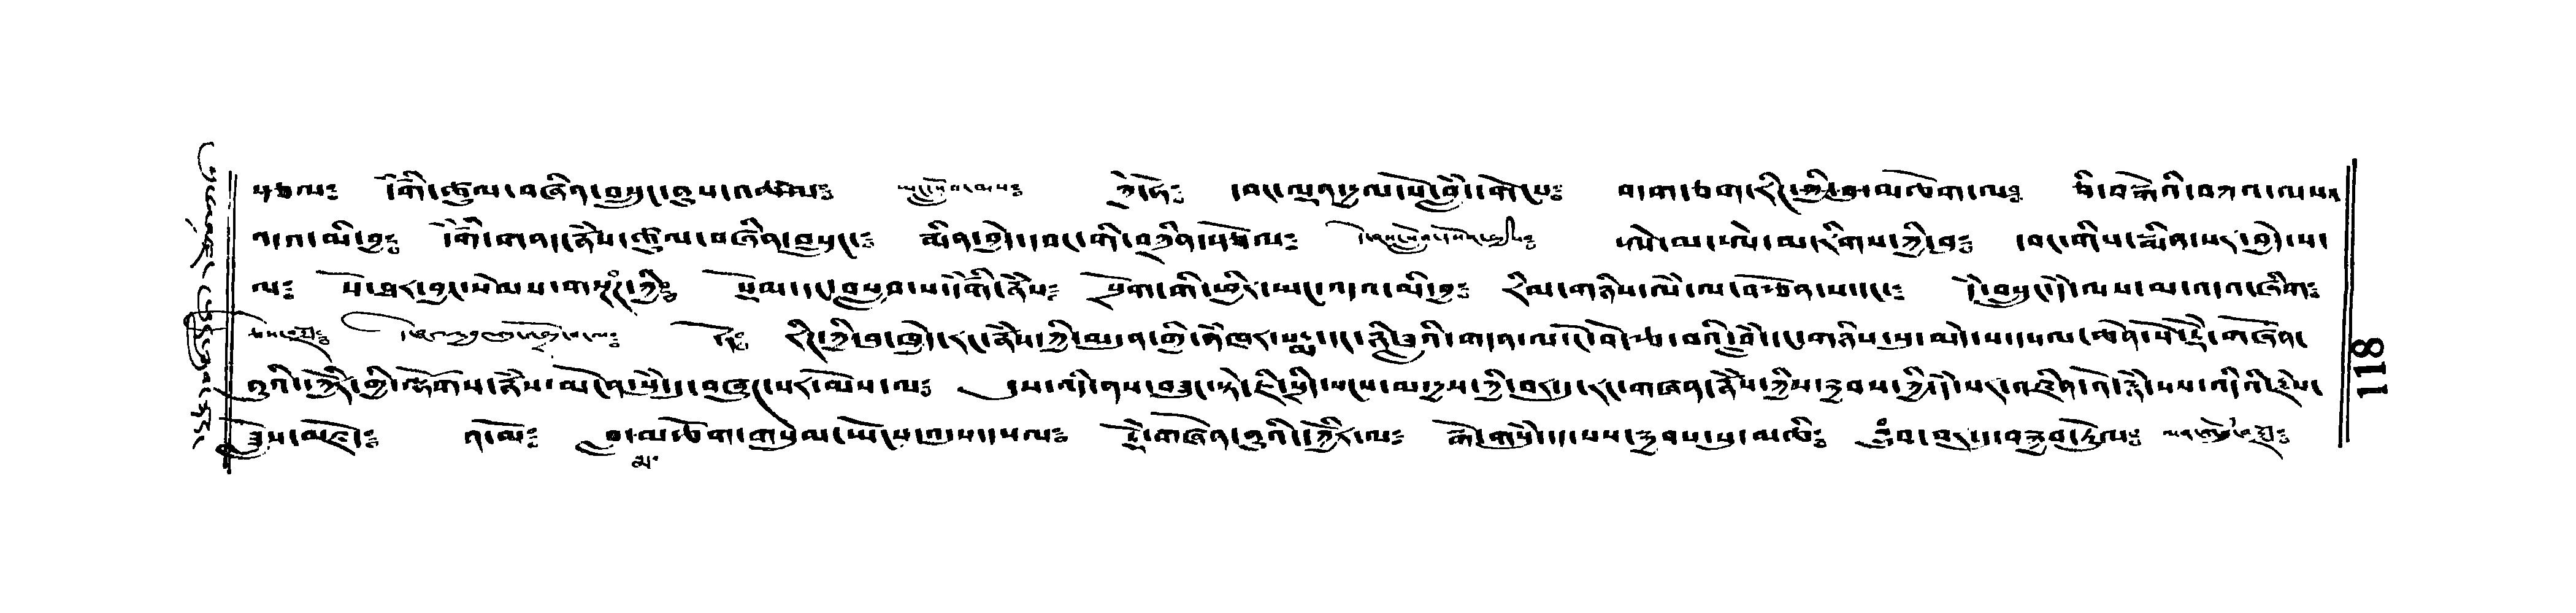སྩལ༔ དམ་ཚིག་ཚུལ་བཞིན་བསྲུང་ནུས་འཚལ༔ ཡང་སློབ་མས༔ ཀྱེ་ཧོ༔ དབང་ལྡན་རྒྱལ་པོ་བླ་མ་དགོངས༔ བདག་ཅག་རིགས་ཀྱི་བུ་མཆོག་ལ༔ ཅི་བསྒོའི་བཀའ་ལས་
འདའ་མི་བྱ༔ དམ་ཚིག་གནད་རྣམས་ཚུལ་བཞིན་བསྲུང༔ སྨིན་བྱེད་དབང་གི་བཀའ་དྲིན་སྩོལ༔ དེ་ནས་སློབ་དཔོན་གྱིས༔ ཨེ་མ་ཨེ་མ་རིགས་ཀྱི་བུ༔ དབང་གིས་སྨིན་པར་བྱེད་པ་
ལ༔སོ་ཐར་བྱང་སེམས་གསང་སྔགས་ཀྱི༔ སྡོམ་དང་བསླབ་པ་དམ་ཚིག་རྣམས༔ སྲོག་གི་ཕྱིར་ཡང་འདའ་མི་བྱ༔ རིམ་གཉིས་ལམ་ལ་བརྩོན་པ་དང༔ དམ་བསྲུང་དམ་ལས་མ་འདའ་ཞིག༔ 
ཅེས་བརྗོད༔ དེ་ནས་སྐྱབས་སུ་འགྲོ་བ་ལ༔ ཧོཿ རིགས་ཀྱི་བུ་ཁྱོད་རང་རྣམས་ཀྱི་མདུན་གྱི་ནམ་མཁར་པདྨ་དང་ཉི་ཟླའི་གདན་ལ་ངོ་བོ་རྩ་བའི་བླ་མ་དང་གཉིས་སུ་མེད་པ་དཔལ་ཆེན་པོ་རྡོ་རྗེ་གཞོན་
ནུའི་དཀྱིལ་འཁོར་གྱི་ལྷ་ཚོགས་རྣམས་མངོན་སུམ་དུ་བཞུགས་པར་མོས་ལ༔ དུས་འདི་ནས་བཟུང་སྟེ་ཇི་སྲིད་སངས་མ་རྒྱས་ཀྱི་བར་དུ་རང་གཞན་རྣམས་ཀྱིས་སྐྱབས་ཀྱི་དམ་པར་འཛིན་ནོ་སྙམ་པས་འདིའི་རྗེས་
ཟློས་མཛོད༔ ན་མོ༔ བླ་མ་མཆོག་གསུམ་ཡོངས་འདུས་དཔལ༔ རྡོ་རྗེ་གཞོན་ནུའི་དཀྱིལ་འཁོར་ལ༔ སྒོ་གསུམ་དད་པས་སྐྱབས་སུ་མཆི༔ བྱང་ཆུབ་བར་དུ་བསྐྱབ་ཏུ་གསོལ༔ ལན་གསུམ་བརྗོད༔